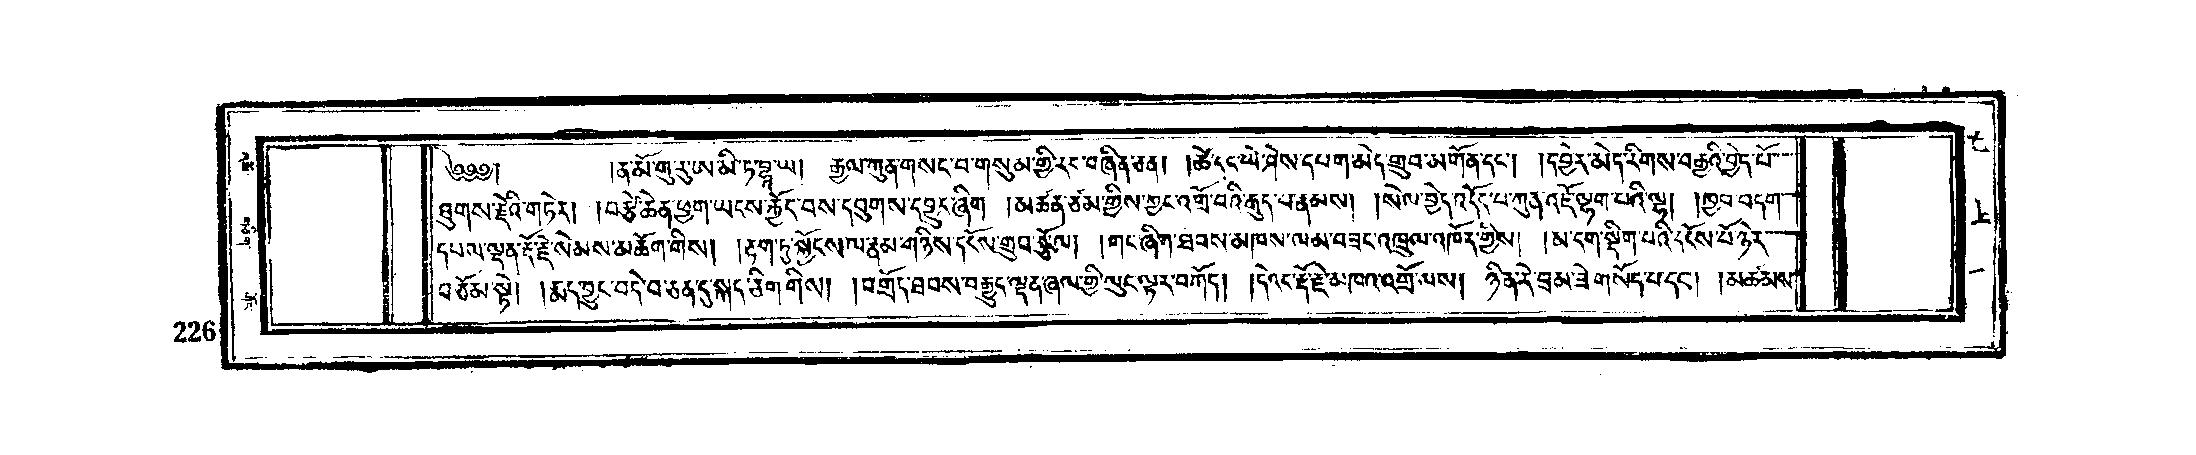༄༅༅། །ན་མོ་གུ་རུ་ཨ་མི་ཏ་བྷཱ་ཡ། རྒྱལ་ཀུན་གསང་བ་གསུམ་གྱི་རང་བཞིན་ཅན། །ཚེ་དང་ཡེ་ཤེས་དཔག་མེད་གྲུབ་མགོན་དང་། །དབྱེར་མེད་རིགས་བརྒྱའི་བྱེད་པོ་ཐུགས་རྗེའི་གཏེར། །བརྩེ་ཆེན་ཕྱག་ཡངས་རྐྱོང་བས་དབུགས་དབྱུང་ཞིག །མཚན་ཙམ་གྱིས་ཀྱང་འགྲོ་བའི་རྒུད་པ་རྣམས། །སེལ་བྱེད་འདོད་པ་ཀུན་འཇོ་ལྷག་པའི་ལྷ། །ཁྱབ་བདག་
དཔལ་ལྡན་རྡོ་རྗེ་སེམས་མཆོག་གིས། །རྟག་ཏུ་སྐྱོངས་ལ་རྣམ་གཉིས་དངོས་གྲུབ་སྩོལ། །གང་ཞིག་ཐབས་མཁས་ལམ་བཟང་འཁྲུལ་འཁོར་གྱིས། །མ་དག་སྡིག་པའི་དངོས་པོ་ཉེར་
བཅོམ་སྟེ། །རྨད་བྱུང་བདེ་བ་ཅན་དུ་སྐད་ཅིག་གིས། །བགྲོད་ཐབས་བརྒྱུད་ལྡན་ཞལ་གྱི་ལུང་ལྟར་བཀོད། །དེའང་རྡོ་རྗེ་མཁའ་འགྲོ་ལས། ཉིན་རེ་བྲམ་ཟེ་གསོད་པ་དང་། །མཚམས་